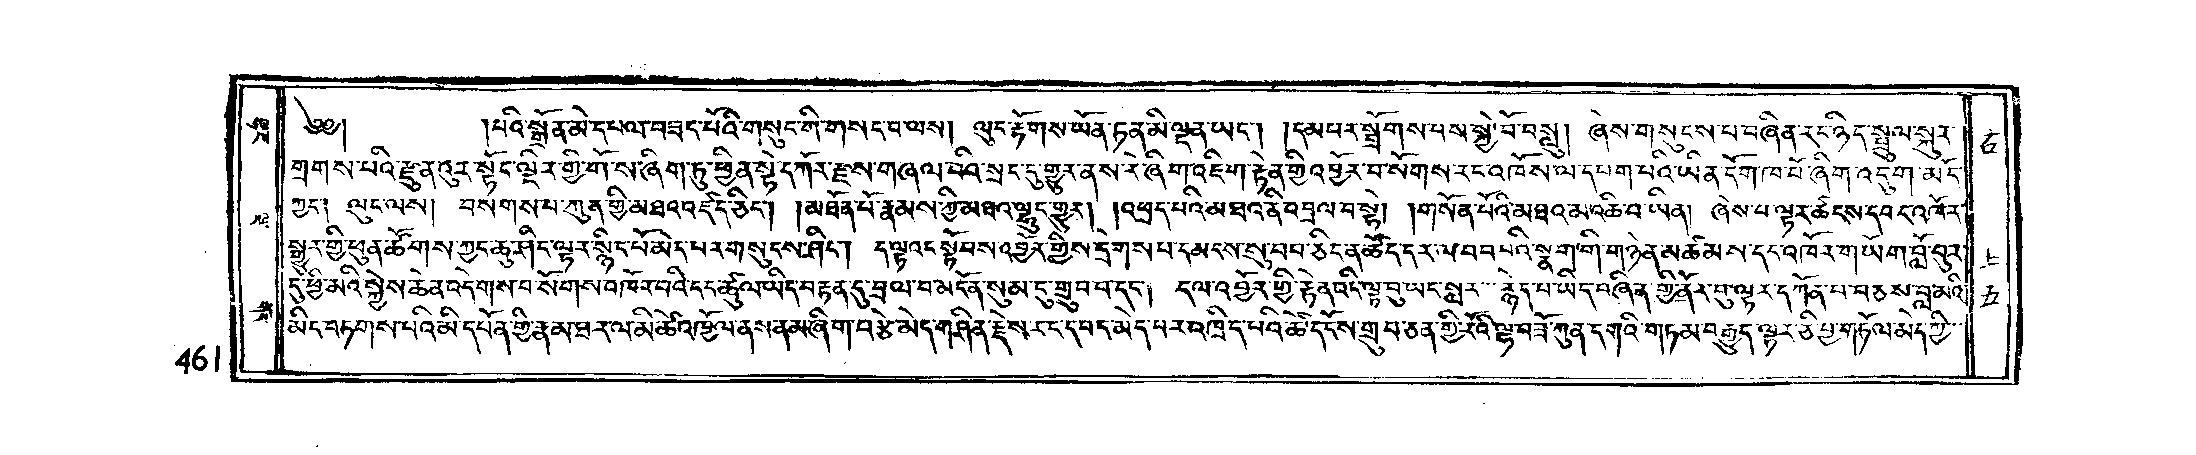༄༅། །པའི་སྒྲོན་མེ་དཔལ་བཟང་པོའི་གསུང་གི་གསང་བ་ལས། ལུང་རྟོགས་ཡོན་ཏན་མི་ལྡན་ཡང་། །དམ་པར་སྒྲོགས་པས་སྐྱེ་བོ་བསླུ། ཞེས་གསུངས་པ་བཞིན་རང་ཉིད་སྤྲུལ་སྐུར་
གྲགས་པའི་རྫུན་འུར་སྟོང་ལྡིར་གྱི་གོ་ས་ཞིག་ཏུ་ཕྱིན་སྟེ་དཀོར་རྫས་གཞལ་བའི་སྲང་དུ་གྱུར་ནས་རེ་ཞིག་འཇིག་རྟེན་གྱི་འབྱོར་བ་སོགས་རང་འཁོས་ལ་དཔག་པའི་ཡིན་དོག་ཁ་བོ་ཞིག་འདུག་མོད་
ཀྱང་། ལུང་ལས། བསགས་པ་ཀུན་གྱི་མཐའ་འཛད་ཅིང་། །མཐོན་པོ་རྣམས་ཀྱི་མཐའ་ལྷུང་གྱུར། །འཕྲད་པའི་མཐའ་ནི་འབྲལ་བ་སྟེ། །གསོན་པོའི་མཐའ་མ་འཆི་བ་ཡིན། ཞེས་པ་ལྟར་ཚངས་དབང་འཁོར་
སྒྱུར་གྱི་ཕུན་ཚོགས་ཀྱང་ཆུ་ཤིང་ལྟར་སྙིང་པོ་མེད་པར་གསུངས་ཤིང་། ད་ལྟའང་སྟོབས་འབྱོར་གྱིས་དྲེགས་པ་དམངས་སུ་བབ་ཅིང་ན་ཚོད་དར་ལ་བབ་པའི་སྣག་གི་གཉེན་མཚམས་དང་འཁོར་གཡོག་བློ་བུར་
དུ་ཕྱི་མའི་སྐྱེས་ཆེན་འདེགས་པ་སོགས་འཁོར་བའི་ངང་ཚུལ་ཡིད་བརྟན་དུ་བྲལ་བ་མངོན་སུམ་དུ་གྲུབ་པ་དང་། དལ་འབྱོར་གྱི་རྟེན་འདི་ལྟ་བུ་ཡང་སླར་རྙེད་པ་ཡིད་བཞིན་གྱི་ནོར་བུ་ལྟར་དཀོན་པ་བཅས་བླ་མའི་
མིང་བཏགས་པའི་མི་དཔོན་གྱི་རྣམ་ཐར་ལ་མི་ཚེ་འཁྱོལ་ནས་ནམ་ཞིག་བརྩེ་མེད་གཤིན་རྗེས་རང་དབང་མེད་པར་འཁྲིད་པའི་ཚེ་དངོས་གྲུབ་ཅན་གྱི་རོའི་ལྷ་བཟོ་ཀུན་དགའི་གཏམ་བརྒྱུད་ལྟར་ཅི་བྱ་གཏོལ་མེད་ཀྱི་